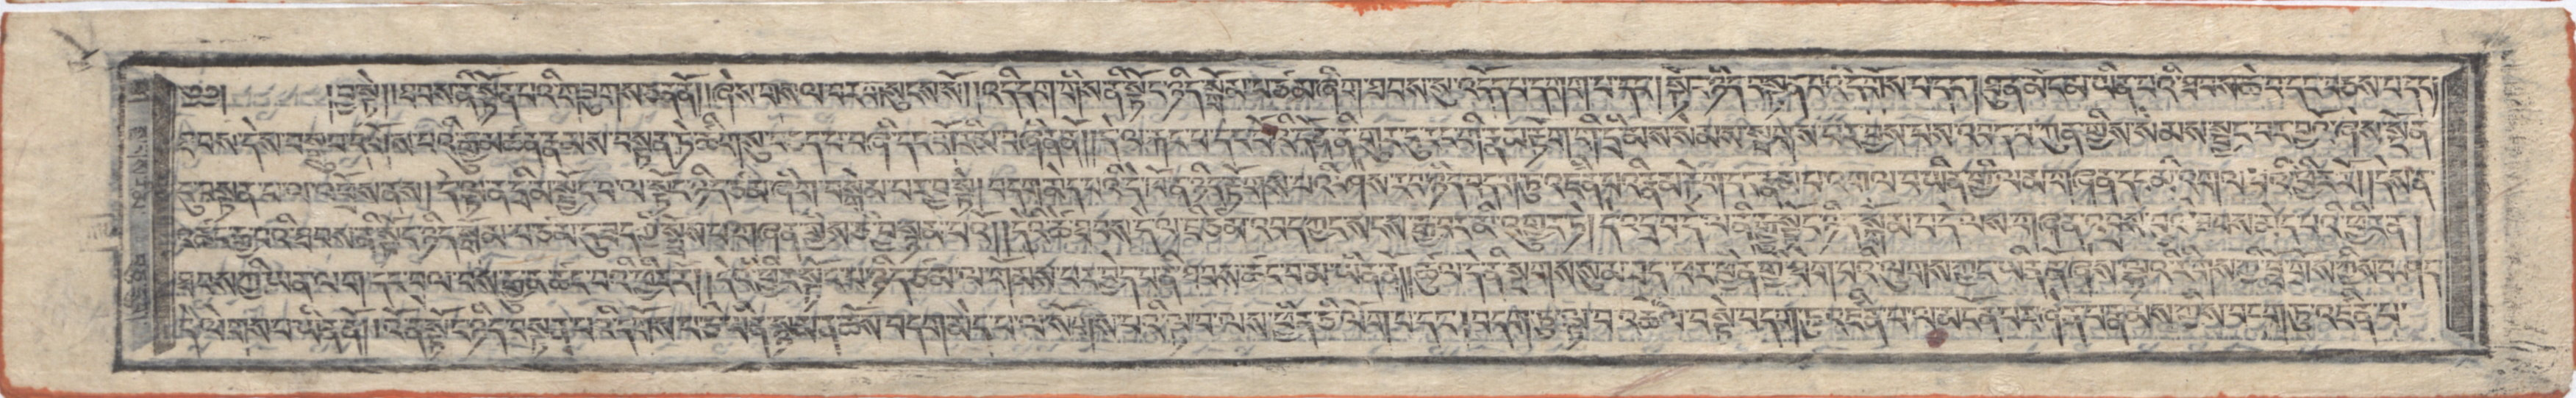༄༅། །བྱ་སྟེ། །ཐབས་ནི་སྟོན་པའི་གཟུགས་ཅན་ནོ། །ཞེས་གསལ་བར་གསུངས་སོ། །འདི་དག་གིས་ནི་སྟོང་ཉིད་སྒོམ་པ་ཙམ་ཞིག་ཐབས་སུ་འདོད་པ་དགག་པ་དང་། སྟོང་ཉིད་བསྟན་པའི་དགོས་པ་དང་། ཐུན་མོང་མ་ཡིན་པའི་ཐབས་ཆེ་བ་དང་བཅས་པ་དང་།
ཐབས་དེས་བསྒྲུབ་དགོས་པའི་རྒྱུ་མཚན་རྣམས་བསྟན་ཏེ་ཚིགས་སུ་བཅད་པ་བཞི་དང་གོ་རིམ་བཞིན་ནོ། །དེ་ལ་རྐང་པ་དང་པོའི་དོན་ནི་གུར་དུ་རང་གི་རྣམ་རྟོག་གི་དྲི་མས་སེམས་སྦགས་པར་བྱས་པས་འབད་པ་ཀུན་གྱིས་སེམས་སྦྱང་བར་བྱའོ་ཞེས་སྔོན་
དུ་བསྟན་པ་ལ་འཕྲོས་ནས། དེ་ལྟ་ན་དྲི་མ་སྦྱོང་བ་ལ་སྟོང་ཉིད་ཙམ་ཞིག་བསྒོམ་པར་བྱ་སྟེ། བདག་མེད་པའི་དེ་ཁོ་ན་ཉིད་རྟོགས་པའི་ཤེས་རབ་ཉིད་བདག་ཏུ་འཛིན་པའི་རྣམ་རྟོག་དང་རྣམ་པ་འགལ་བ་ཡིན་གྱི་ལམ་གཞན་དང་མི་འགལ་བའི་ཕྱིར་རོ། །དེས་ན་
འཚང་རྒྱ་བའི་ཐབས་ནི་སྟོང་ཉིད་སྒོམ་པ་ཙམ་དུ་ཟད་ཀྱི་སྤྲོས་པ་གཞན་གྱིས་ཅི་བྱ་སྙམ་པའོ། །དེའི་ཚེ་ཐབས་དེ་ལ་ཇི་ཙམ་འབད་ཀྱང་སངས་རྒྱ་བར་མི་འགྱུར་ཏེ། དེ་འདྲ་བ་དེ་ལ་ནི་རྒྱུ་སྟོང་ཉིད་སྒོམ་པ་དེ་ལས་གཞན་འབྲས་བུའི་ཐབས་མེད་པའི་ཕྱིར་ན།
ཐབས་ཀྱི་ཡན་ལག་དང་བྲལ་བས་རྒྱུ་མ་ཚང་བའི་ཕྱིར་རོ། །དེའི་ཕྱིར་སྟོང་པ་ཉིད་ཙམ་ལ་གོམས་པར་བྱེད་པ་ནི་ཐབས་ཚང་བ་མ་ཡིན་ནོ། །ཚུལ་དེ་ནི་སྔགས་སུ་མ་ཟད་ཕར་ཕྱིན་གྱི་ཐེག་པའི་ལུགས་ཀྱང་ཡིན་ནོ་ཞེས་ལྷའི་རིགས་ཀྱི་བློ་གྲོས་ཀྱིས་བཤད་
དེ་ལེགས་པ་ཡིན་ནོ། །འོ་ན་སྟོང་ཉིད་བསྟན་པའི་དགོས་པ་ཅི་ཡིན་སྙམ་ན་ཆོས་བདག་མེད་པ་ལ་སོགས་པའི་ལྟ་བ་ལས་ཕྱིན་ཅི་ལོག་པ་དང་། བདག་ཏུ་ལྟ་བ་འཚོལ་བསྟེ་བདག་ཏུ་འཛིན་པ་ལ་མངོན་པར་ཞེན་པ་རྣམས་ཀྱིས་བདག་ཏུ་འཛིན་པ་